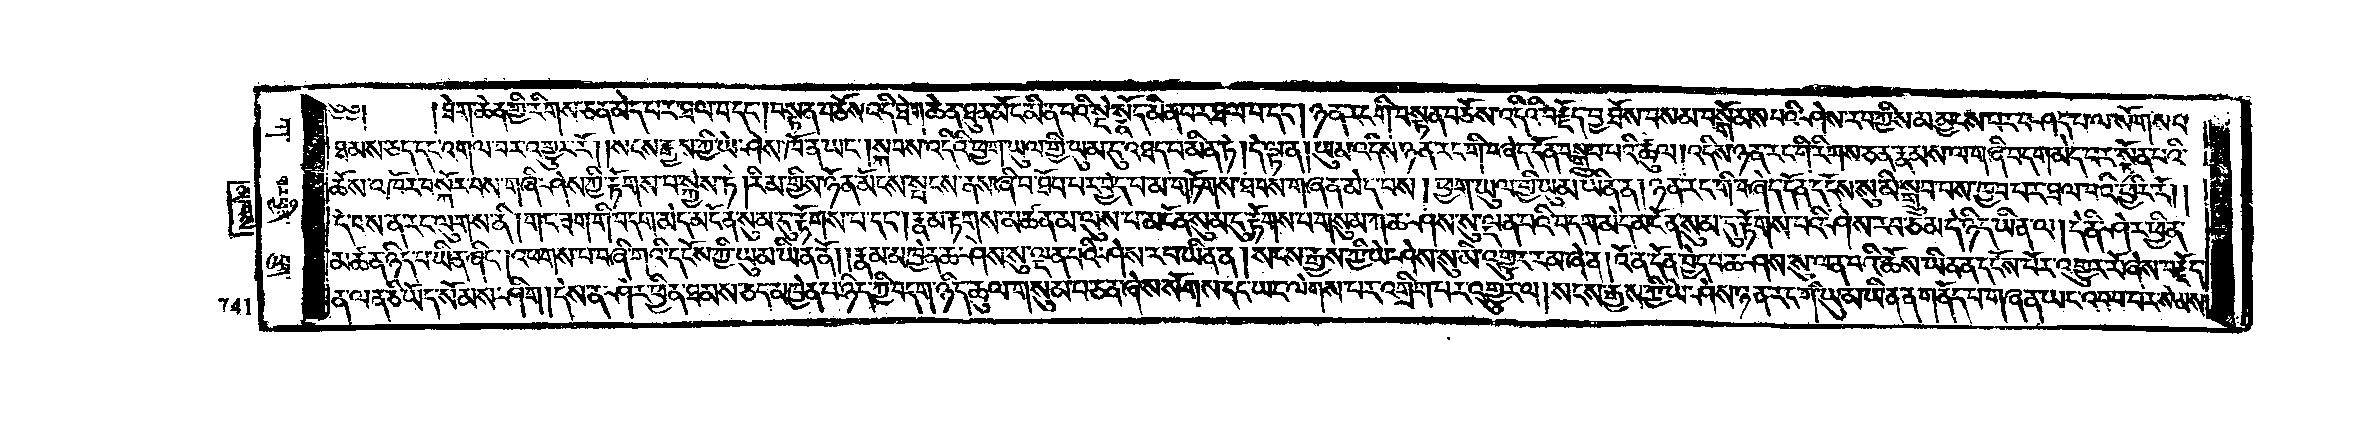{ཀ་ཕར་ཕྱིན}་༄༅། །ཐེག་ཆེན་གྱི་རིགས་ཅན་མེད་པར་ཐལ་བ་དང་། བསྟན་བཅོས་འདི་ཐེག་ཆེན་ཐུན་མོང་མིན་པའི་སྡེ་སྣོད་མིན་པར་ཐལ་བ་དང་། ཉན་རང་གི་བསྟན་བཅོས་འདིའི་བརྗོད་བྱ་ཐོས་བསམ་བསྒོམས་པའི་ཤེས་རབ་ཀྱིས་མ་མྱངས་པར་བཤད་པ་ལ་སོགས་པ་
ཐམས་ཅད་དང་འགལ་བར་འགྱུར་རོ། །སངས་རྒྱས་ཀྱི་ཡེ་ཤེས་ཁོ་ན་ཡང་། སྐབས་འདིའི་ཕྱག་ཡུལ་གྱི་ཡུམ་དུ་འཐད་པ་མིན་ཏེ། དེ་ལྟ་ན། ཡུམ་འདིས་ཉན་རང་གི་བཞེད་དོན་བསྒྲུབ་པའི་ཚུལ། འདིས་ཉན་རང་གི་རིགས་ཅན་རྣམས་ལ་གཞི་བདག་མེད་པར་སྟོན་པའི་
ཆོས་འཁོར་བསྐོར་བས་གཞི་ཤེས་ཀྱི་རྟོགས་པ་སྐྱེས་ཏེ། རིམ་གྱིས་ཉོན་མོངས་སྤངས་ནས་ཞི་བ་ཐོབ་པར་བྱེད་པ་མ་གཏོགས་ཐབས་གཞན་མེད་པས། ཕྱག་ཡུལ་གྱི་ཡུམ་ཡིན་ན། ཉན་རང་གི་བཞེད་དོན་དངོས་སུ་མི་སྒྲུབ་པས་ཁྱབ་པར་ཐལ་བའི་ཕྱིར་རོ། །
དེ་བས་ན་རང་ལུགས་ནི། གང་ཟག་གི་བདག་མེད་མངོན་སུམ་དུ་རྟོགས་པ་དང་། རྣམ་རྟགས་མཚན་མ་ལུས་པ་མངོན་སུམ་དུ་རྟོགས་པ་གསུམ་ཀ་ཆ་ཤས་སུ་ལྡན་པའི་བདག་མེད་མངོན་སུམ་དུ་རྟོགས་པའི་ཤེས་རབ་ཙམ་དེ་ཉིད་ཡིན་ལ། དེ་ནི་ཤེར་ཕྱིན་
མཚན་ཉིད་པ་ཡིན་ཞིང་། འཕགས་པ་བཞི་གའི་དངོས་ཀྱི་ཡུམ་ཡིན་ནོ། །རྣམ་མཁྱེན་ཆ་ཤེས་སུ་ལྡན་པའི་ཤེས་རབ་ཡིན་ན། སངས་རྒྱས་ཀྱི་ཡེ་ཤེས་སུ་མི་འགྱུར་རམ་ཞེ་ན། འོ་ན་དོན་བྱེད་པ་ཆ་ཤས་སུ་ལན་པའི་ཆོས་ཡིན་ན་དངོས་པོར་འགྱུར་རོ་ཞེས་བརྗོད་
ན་ལན་ཅི་ཡོད་སོམས་ཤིག། དེས་ན་ཤེར་ཕྱིན་ཐམས་ཅད་མཁྱེན་པ་ཉིད་ཀྱི་བདག་ཉིད་ཚུལ་གསུམ་པ་ཅན་ཞེས་སོགས་དང་ཡང་ལེགས་པར་འགྲིག་པར་འགྱུར་ལ། སངས་རྒྱས་ཀྱི་ཡེ་ཤེས་ཉན་རང་གི་ཡུམ་ཡིན་ན་གནོད་པ་གཞན་ཡང་འབབ་པར་སེམས་